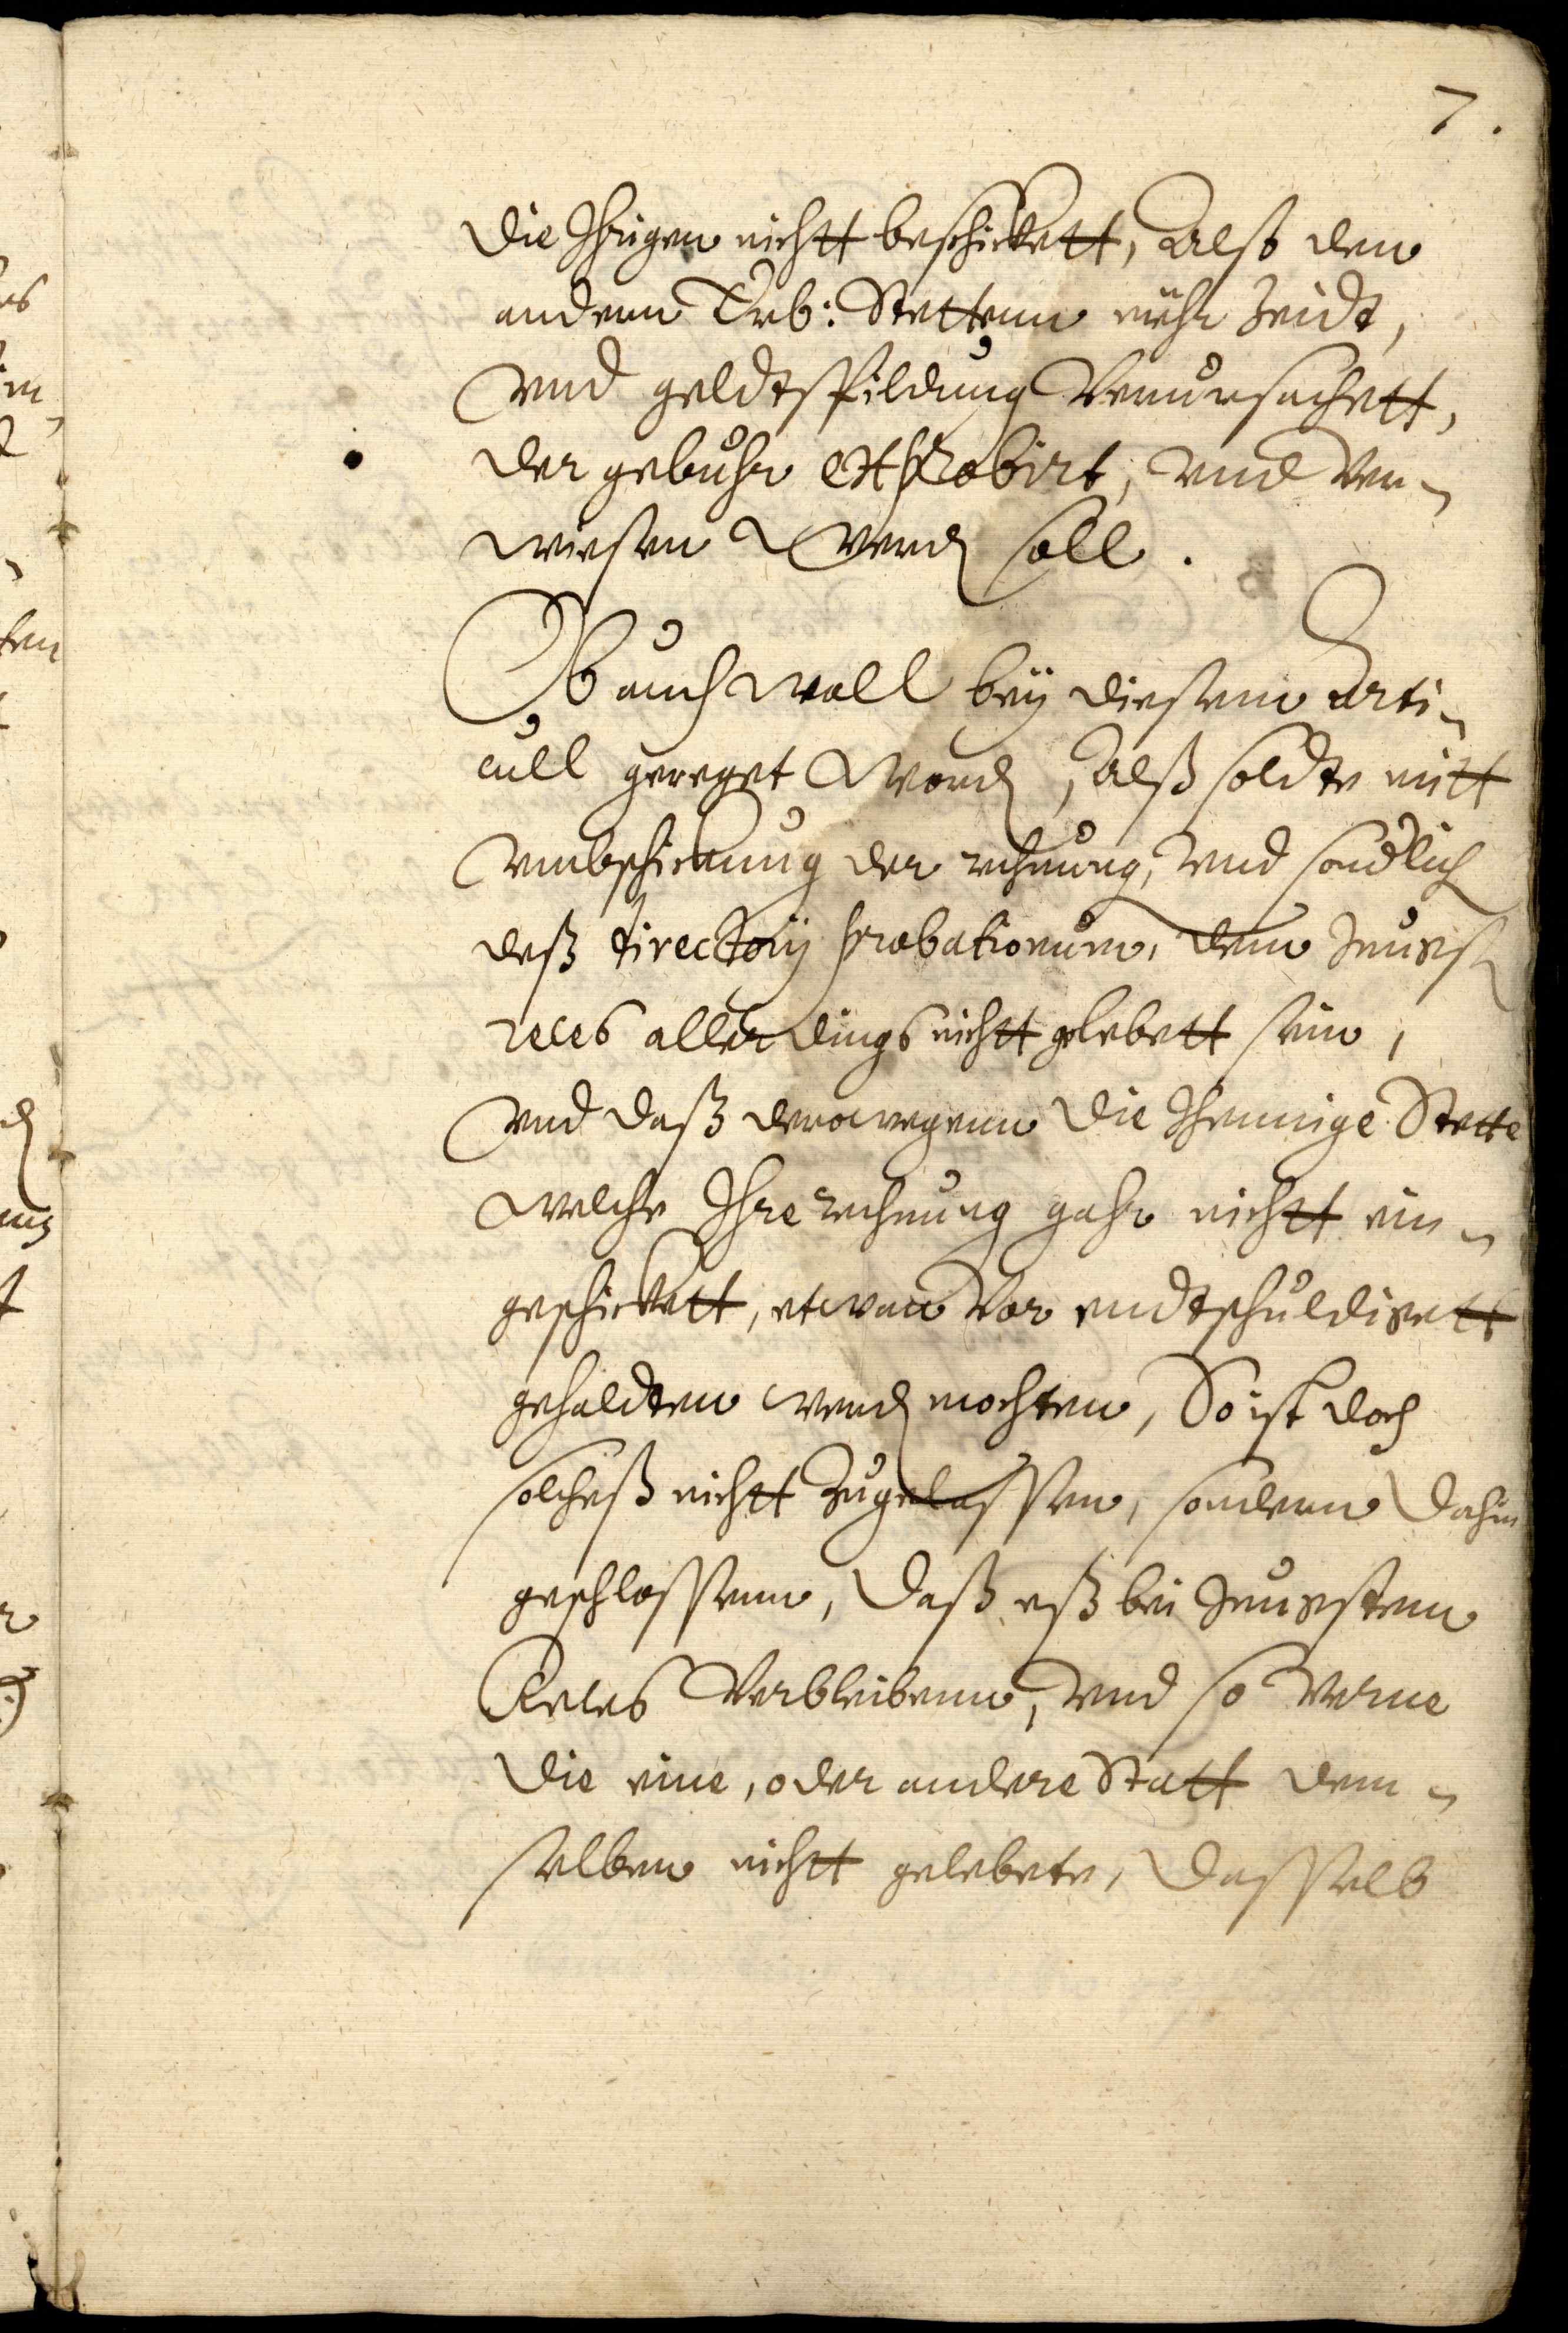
7.
die Ihrigen nichtt beschickett, Alß den
andern Erb:Stettenn nuhr Zeidt,
vnd geldtspildung Verursachett,
der gebuhr exprobirt, vnd ver¬
wiesen werden soll.
Ob auch woll beij diesem Arti¬
cull gereget worden, alß soldte mitt
Vmbschickung der rechnung,vnd sonderlichen
deß directorij probationum dem Inuesten
reces allerdings nicht gelebett sein,
vnd daß derowegenn die Jhennige Stette
welche Ihre rechnung gahr nichtt ein¬
geschickett, etwan Vor endtschuldigett
gehaldten werden mochten, So ist doch
solcheß nichtt Zugelassen, sondern dahin
geschlossenn, daß bei Inuestenn
Reces Verbleibenn, vnd so verne
die eine,oder andere Statt dem¬
selben nichtt gelebete, dasselb
